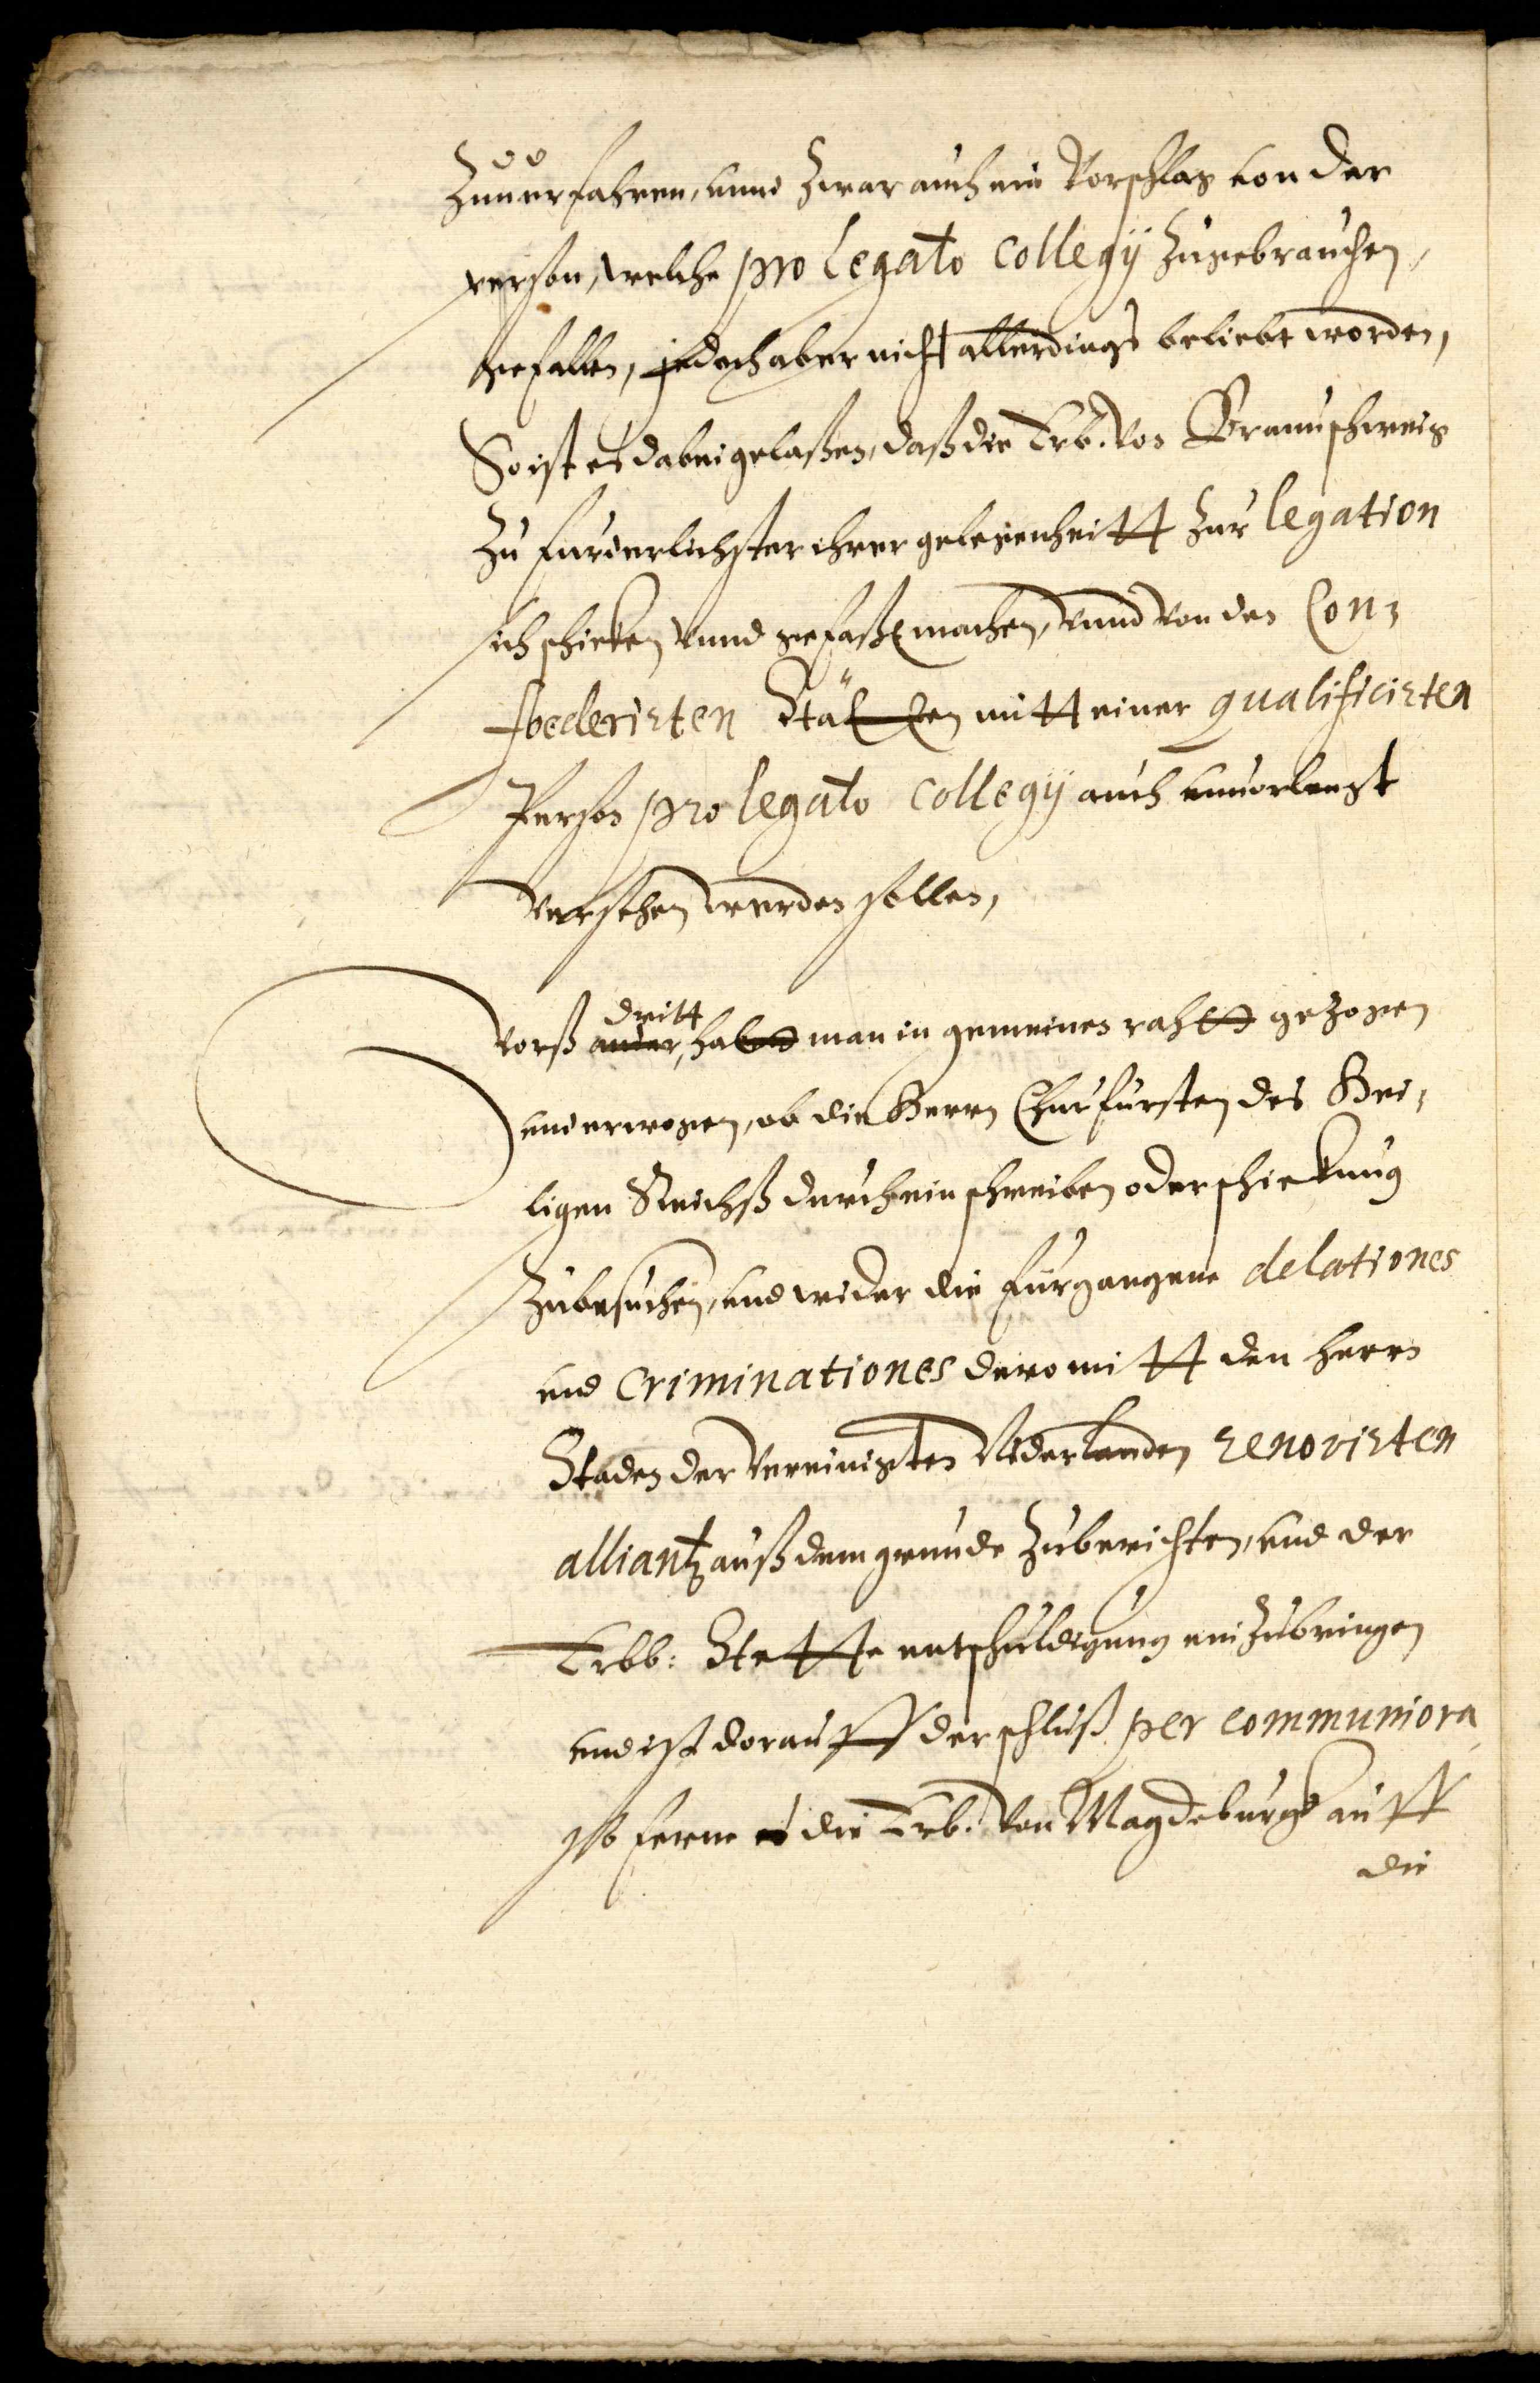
zuuerfahren, vnnd zwar auch ein Vorschlag von der
person, welche pro legato collegij zugebrauchen,
gefallen, jedoch aber nicht allerdings beliebt worden,
So ist es dabei gelaßen, daß die Erb. von Braunschweig
zu furderlichster ihrer gelegenheitt zur legation
sich schicken vnnd gefaßt machen, vnnd von den Con¬
foederirten Stätten mitt einer qualificirten
Person pro legato collegij auch vnuorlengt
versehen werden sollen,
vorß ander dritt, hatt man in gemeinen rahtt gezogen
vnd erwogen, ob die Herrn Churfursten des Hei¬
ligen Reichß durch ein schreiben oder schickung
zubesuchen, vnd wider die furgangene delationes
vnd criminationes dero mitt den herrrn
Staden der Vereinigten Niderlanden renovirten
alliantz auß dem grunde zuberichten, vnd der
Erbb: Stette entschuldigung einzubringen
vnd ist dorauff der schluß per communiora
so ferne es die Erb. Von Magdeburgk auff
die
